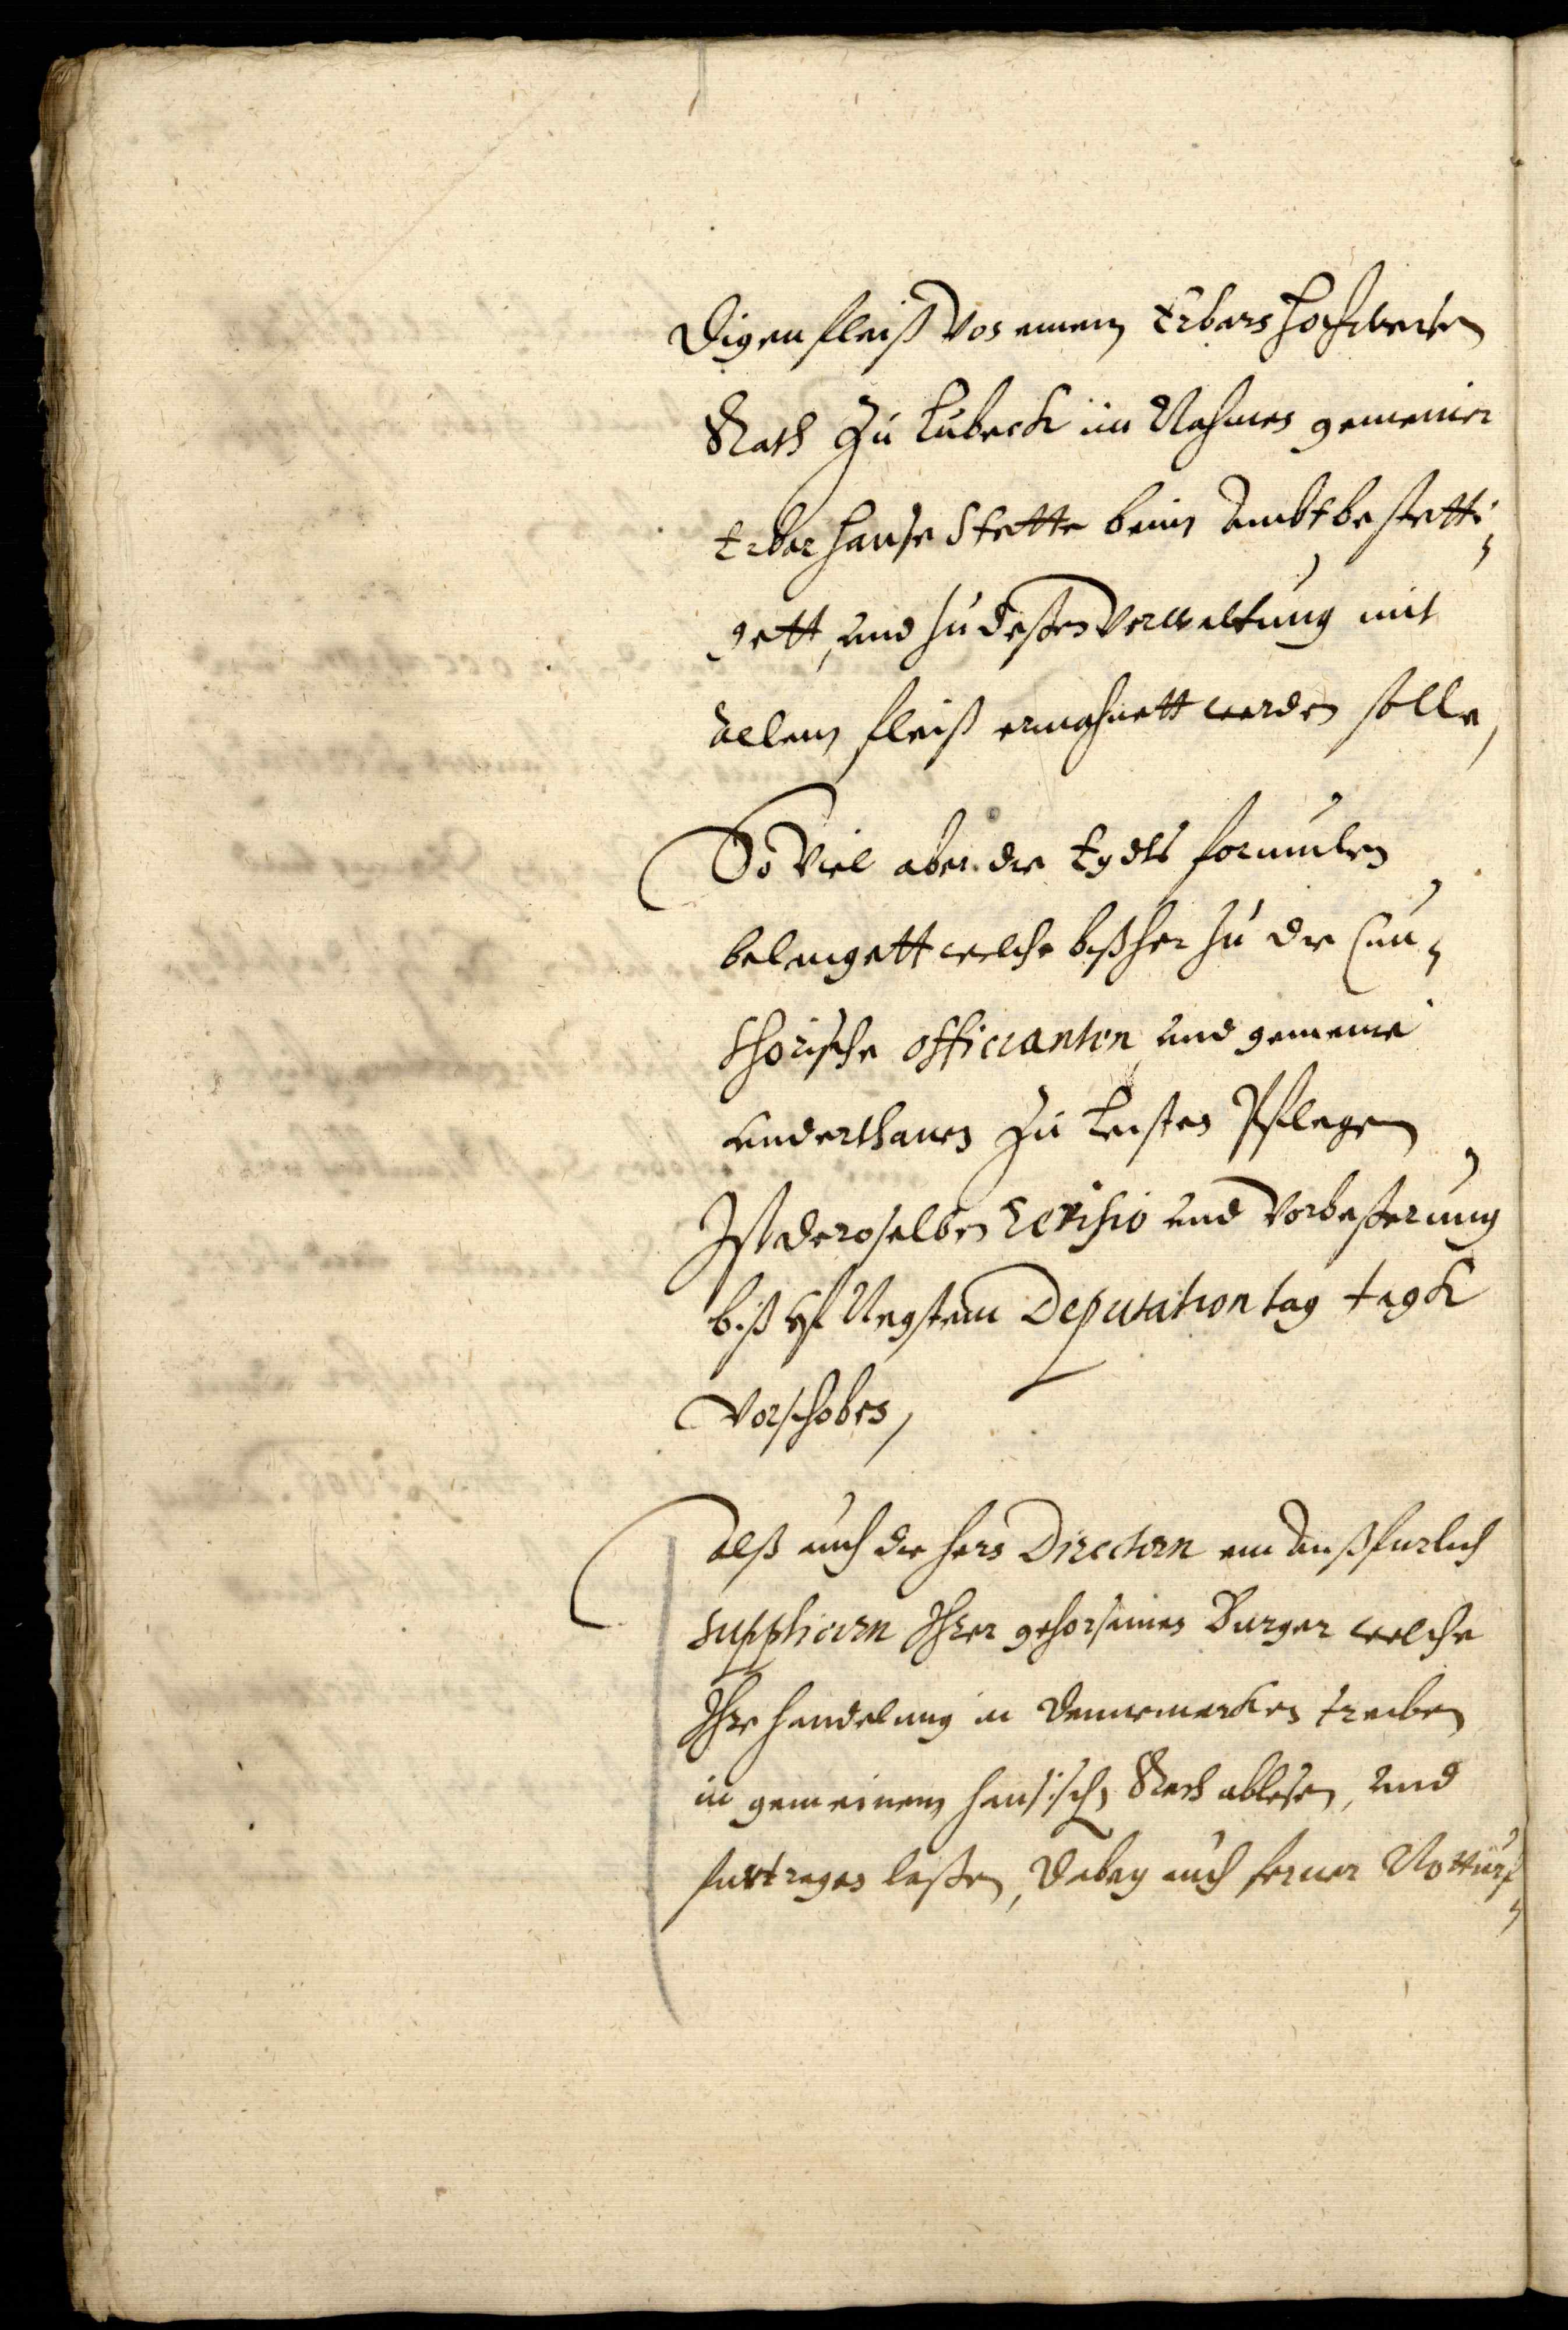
digen fleiß von einem Erbarn hochweisen
Rath zu Lubeck im Nahmen gemeiner
Erbar hanse Stette beim Ambt bestetti¬
gett, vnd zu desen vermeltung mit
Allem fleiß ermahnett werden solle,
So viel aber der Eijdts formulen
belangett welche bißher zu der Cun¬
thorischen officianten vnd gemeiner
vnderthanen zu leisten Pglegen
Ist derohalben rerisio vnd vorbeserung
biß vf Negstem Deputationtag tagk
vorschoben,
Alß auch die hern Directorn ein Außfurlich
supplicirn Ihrer gehorsamen Burger welche
Ihre handelung in Dennemarcken treiben
in gemeinem hansischen Rath ablesen, vnd
furtragen lasen, dabeij auch ferner Notturf¬
